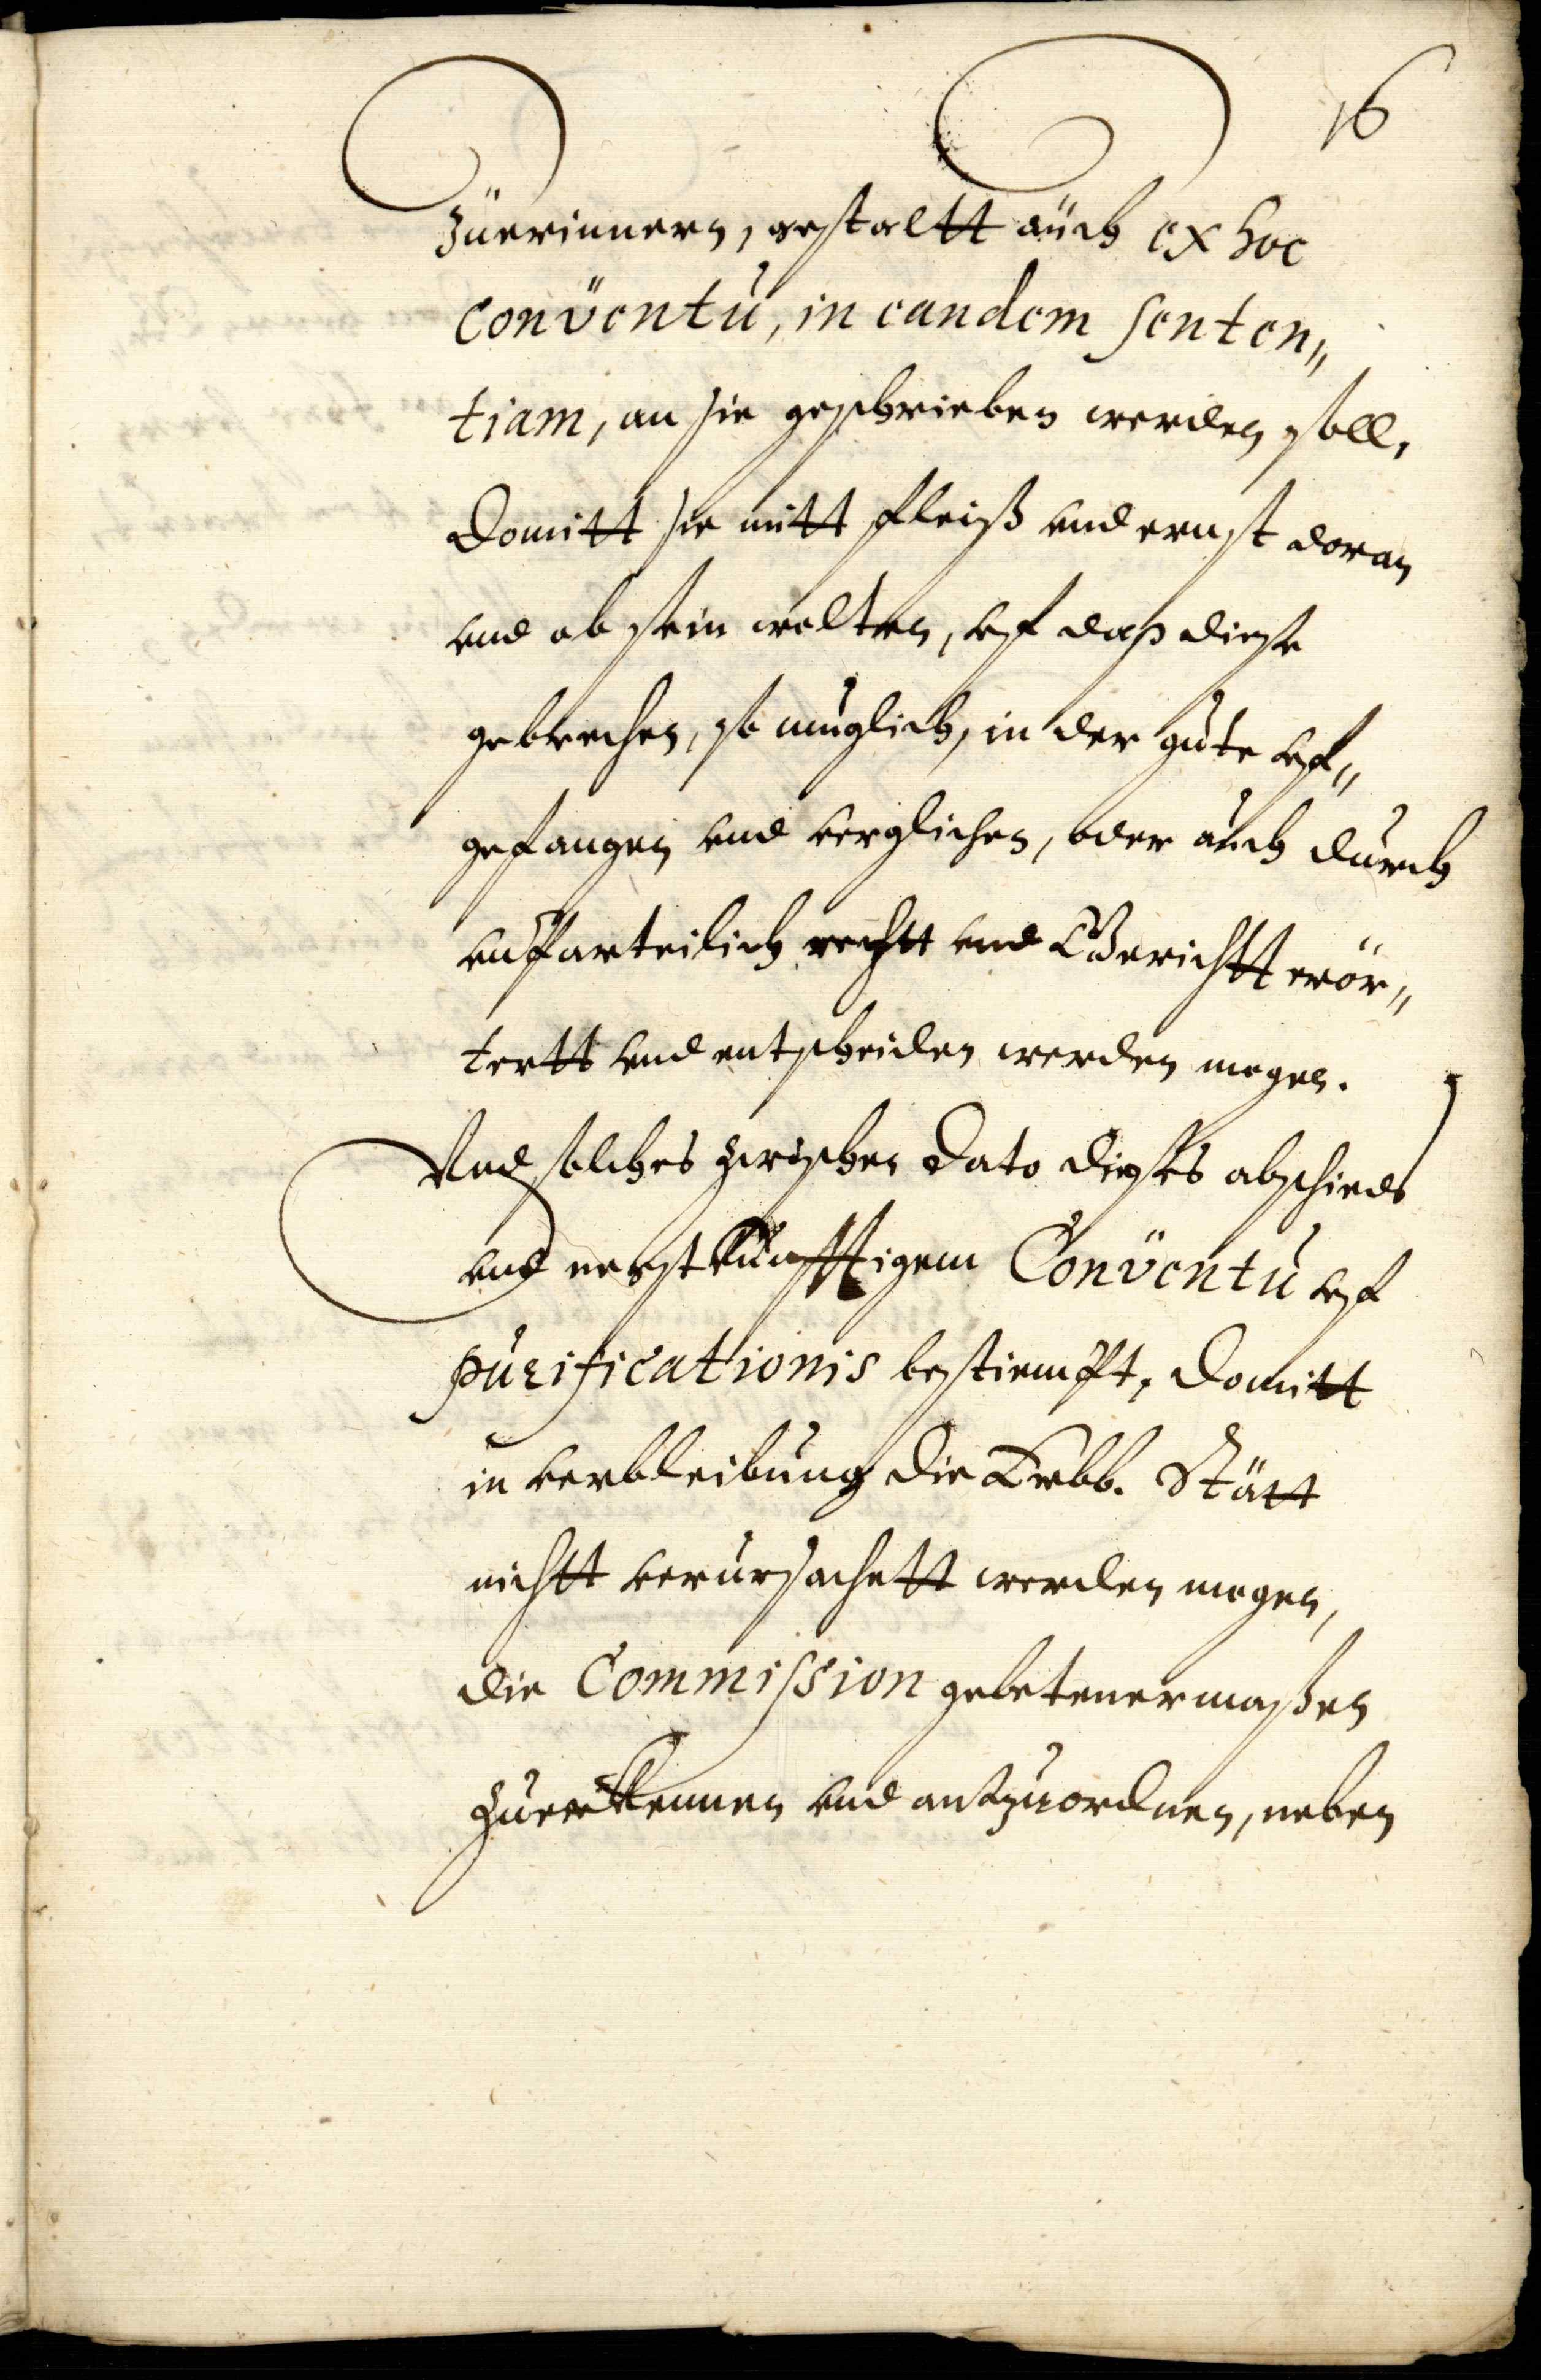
16
zuerinnern, gestaltt aüch ex hoc
conventu, in eandem senten¬
tiam, an sie geschrieben werden soll,
domitt sie mitt fleiß vnd ernst doran
vnd ob sein wolten, vff daß diese
gebrechen, so muglich, in der gute vf¬
gefangen vnd verglichen, oder auch durch
vnparteilich recht vnd Gerichtt erör¬
tertt vnd entscheiden werden mogen.
Vnd solches zwischen dato dieses abschieds
vnd negstkunfftigem Conventu vf
purificationis bestiempt, Domitt
in verbleibung die Erbb. Stätt
nichtt verursachett werden mogen,
die Commission gebetenermaßen
zuerkennen vnd antzuordnen, neben
